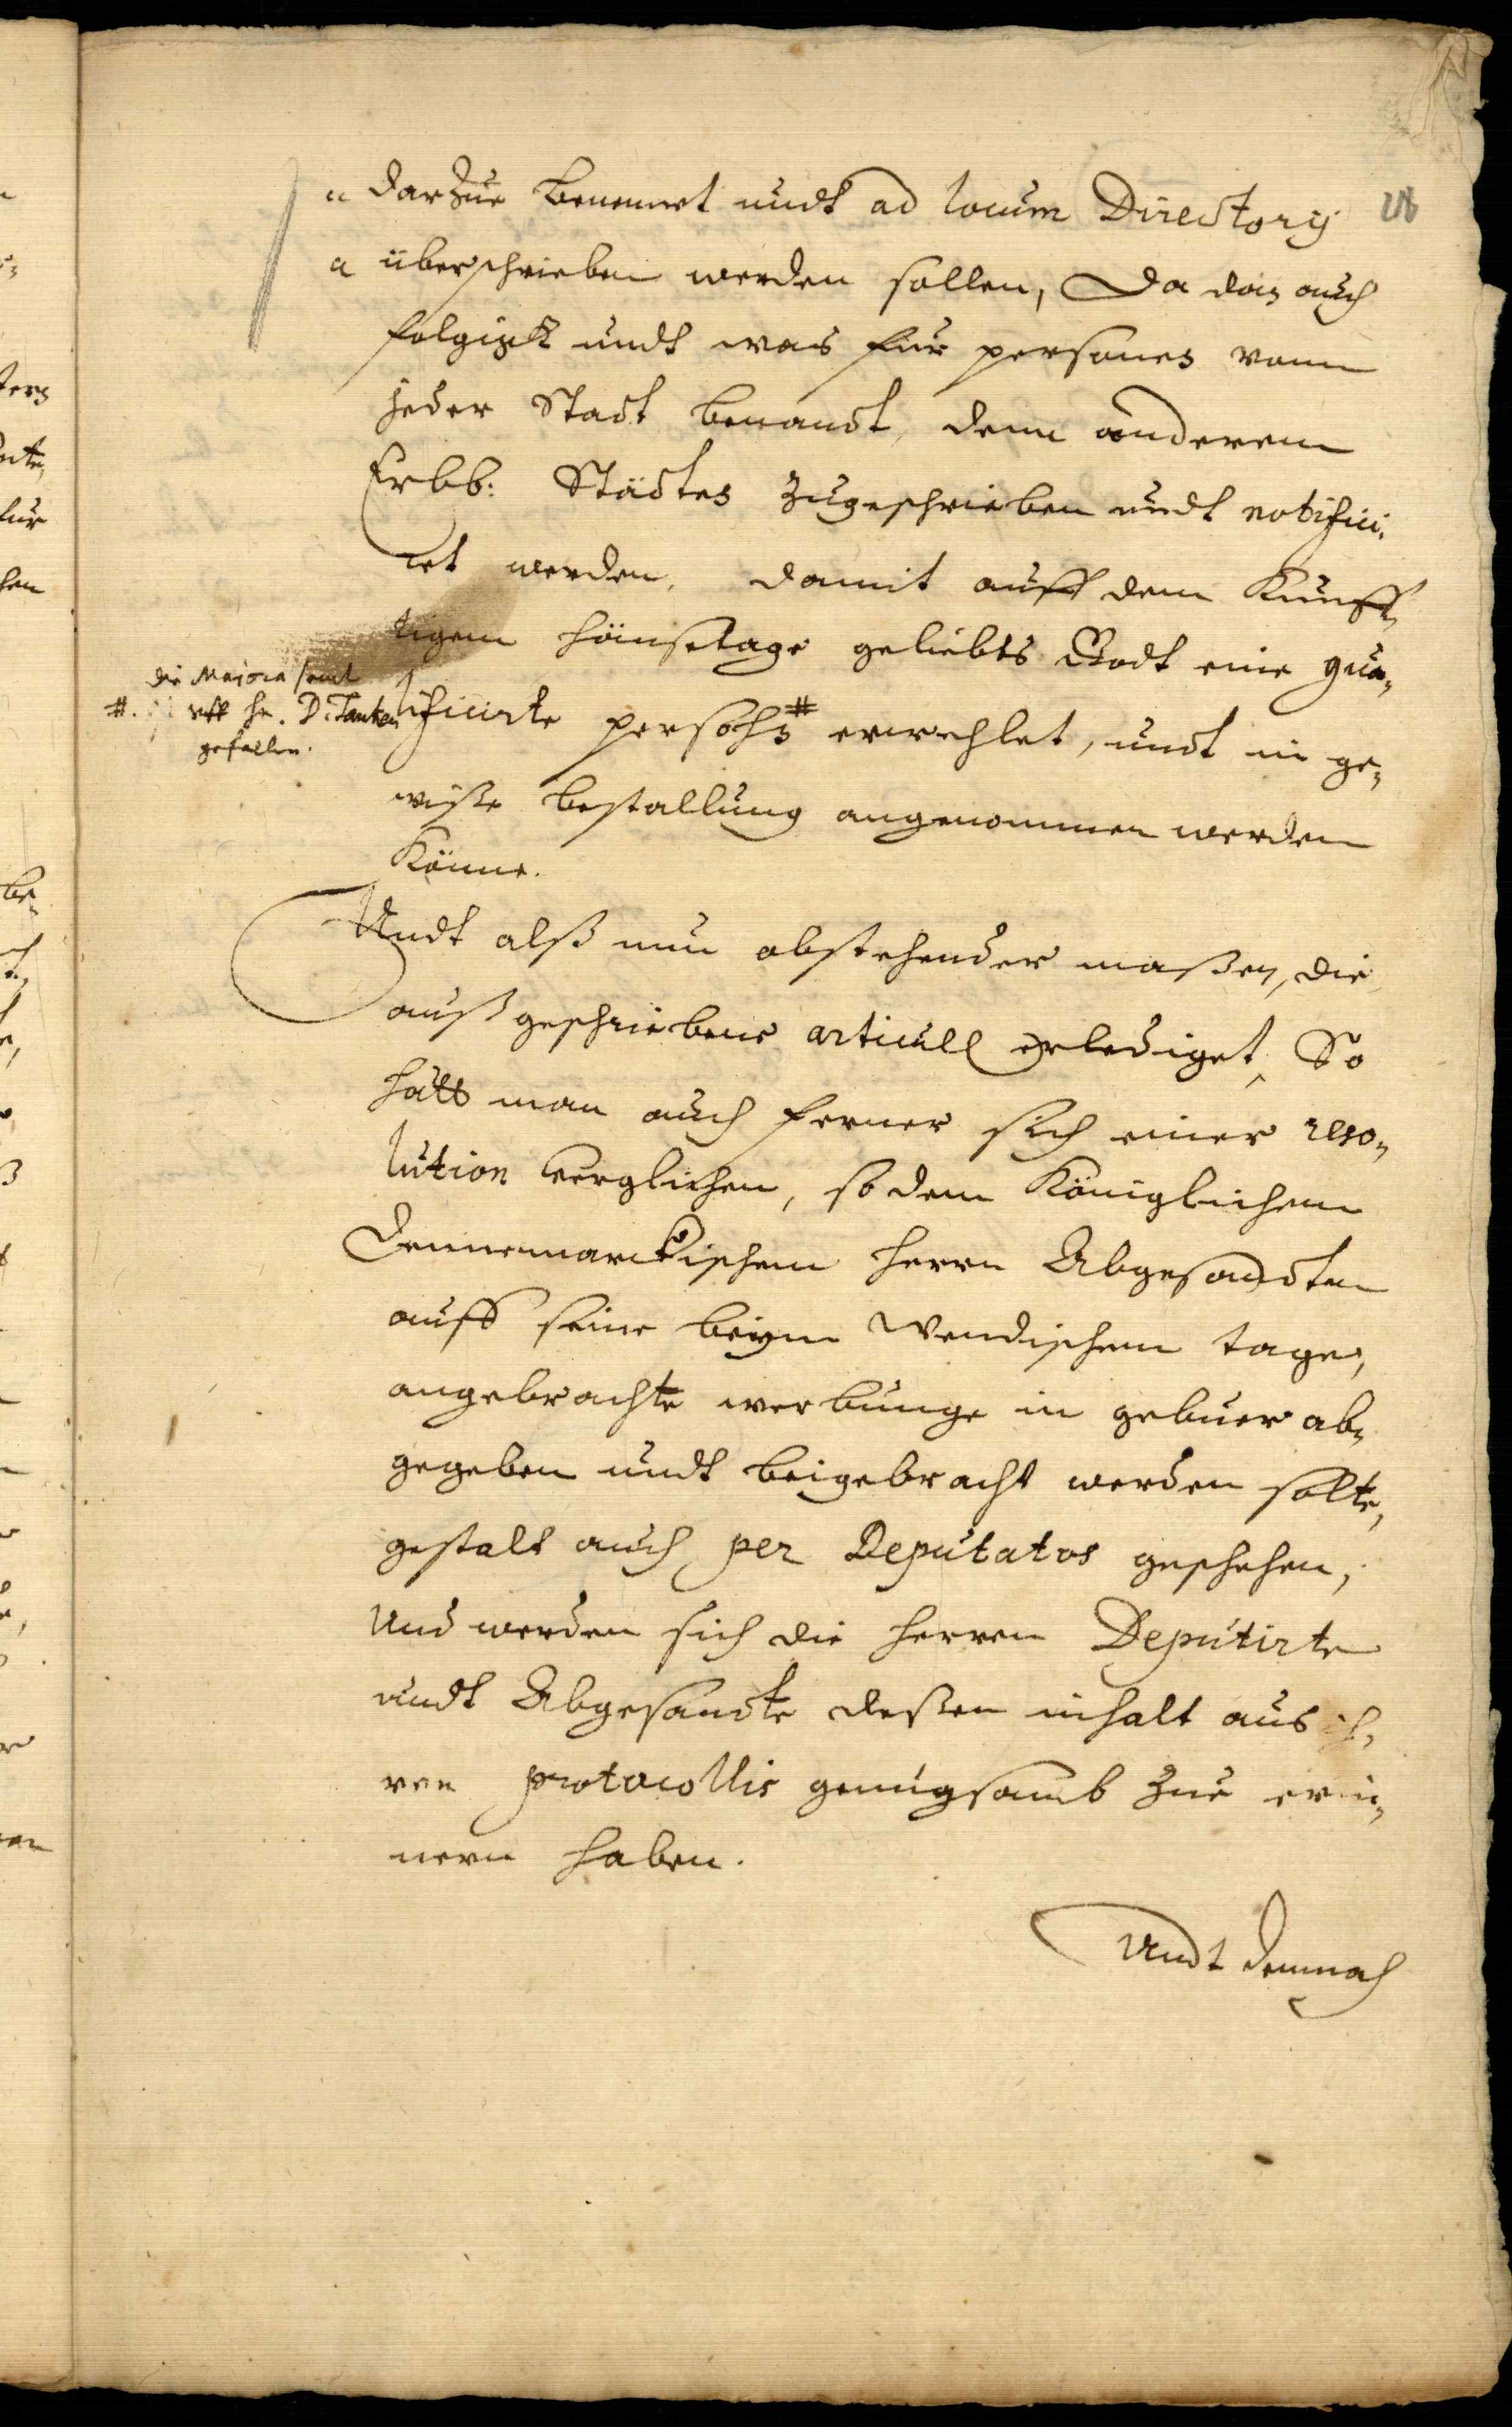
26
die Maiora samt
#. ist vff Hn. D. Hanken
gefallen
darzue benennet undt ad locum Directorij
überschrieben werden sollen, Da dan auch
folgigk undt was fur personen vonn
jeder Stadt benandt, denn anderem
Erbb: Städten zugeschrieben undt notifici¬
ret werden, damit auff dem Kunff¬
tigem Hänsetage geliebts Godt eine qua¬
lificirte persohn* erwehlet, undt in ge¬
wiße bestallung angenommen werden
Könne.
Undt alß nun abstehender maßen, die
außgeschriebene articull erlediget, So
hatt man auch ferner sich einer reso¬
lution verglichen, so dem Königlichem
Dennemarckischem herrn Abgesandten
auff seine beijm Wendischen tage,
angebrachte werbunge in gebuer ab¬
gegeben undt beigebracht werden solte,
gestalt auch per Deputatos geschehen,
Und werden sich die herren Deputirte
undt Abgesandte deßen inhalt aus ih¬
ren protocollis genugsamb zue erin¬
nern haben.
Undt demnach
